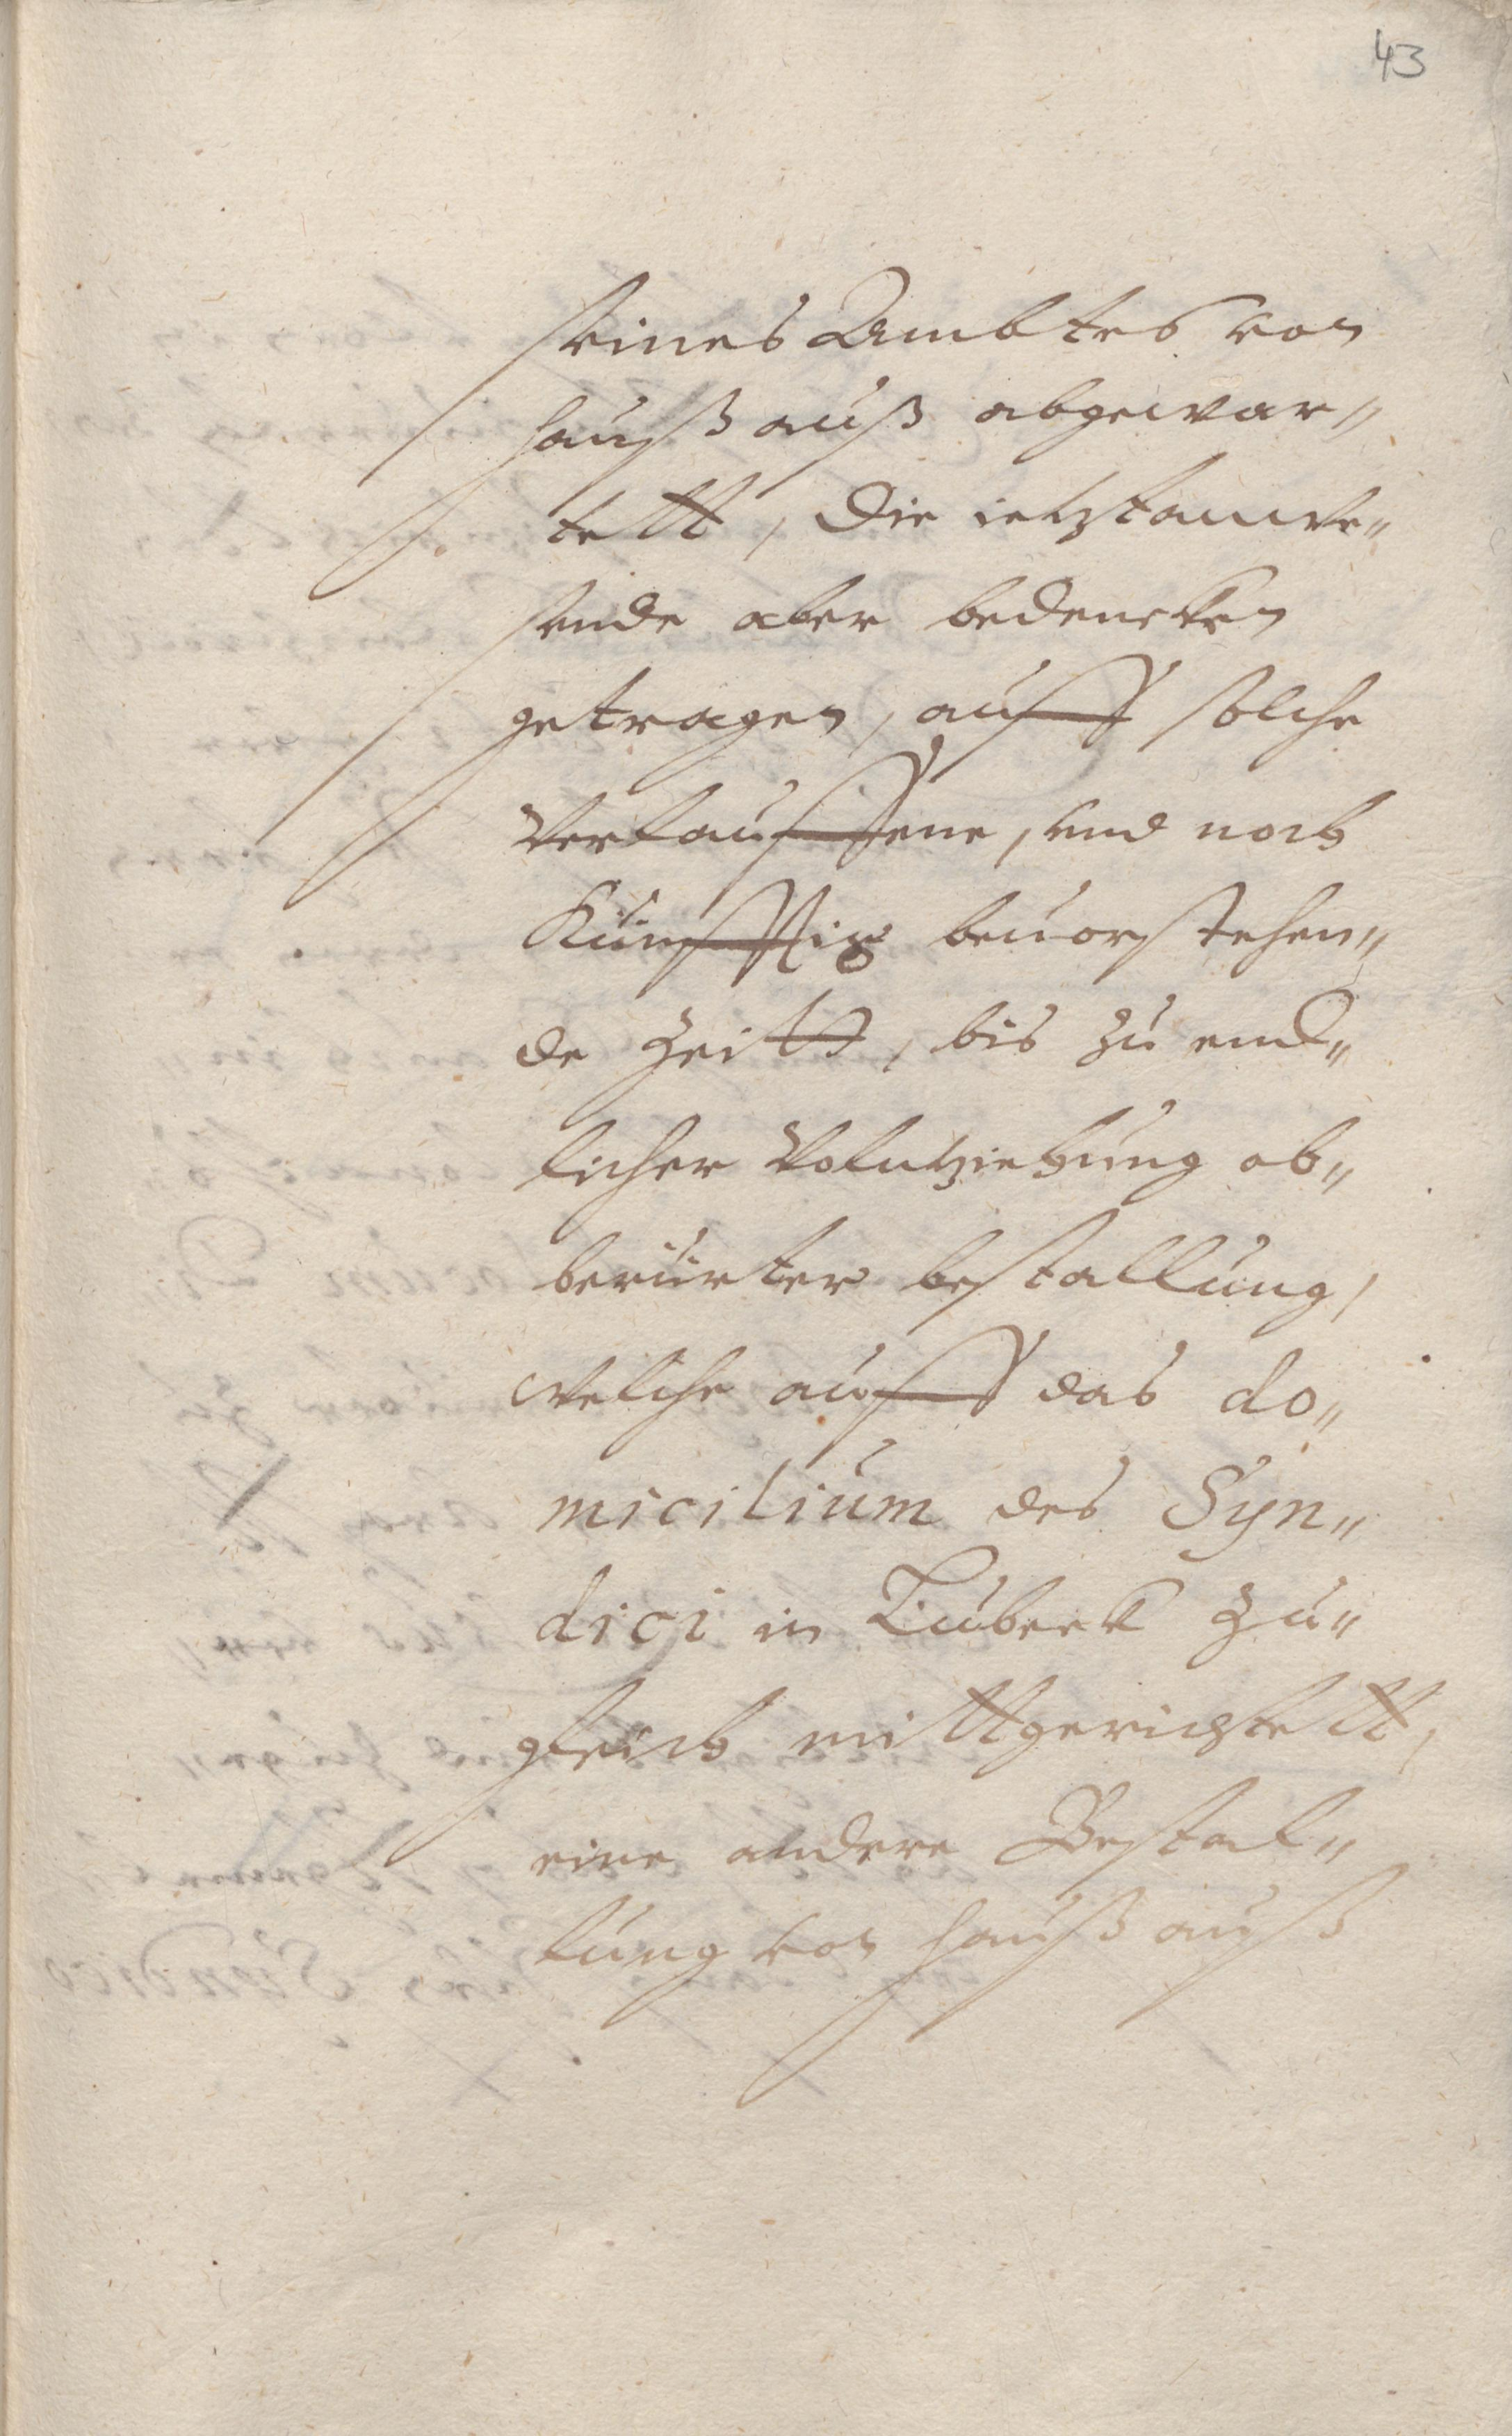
seines Ambtes von
hauß auß abgewar¬
tett, die ietztanwe¬
sende aber bedencken
getragen, auff solche
verkauffene, vnd noch
künfftig bevorstehen¬
de zeitt, bis zu end¬
licher Volntziehung ob¬
berürter bestallung,
welche auff das do¬
micilium des Syn¬
dici in Lubeck zu¬
gleich mittgerichtett,
eine andere Bestal¬
lung von hauß auß
